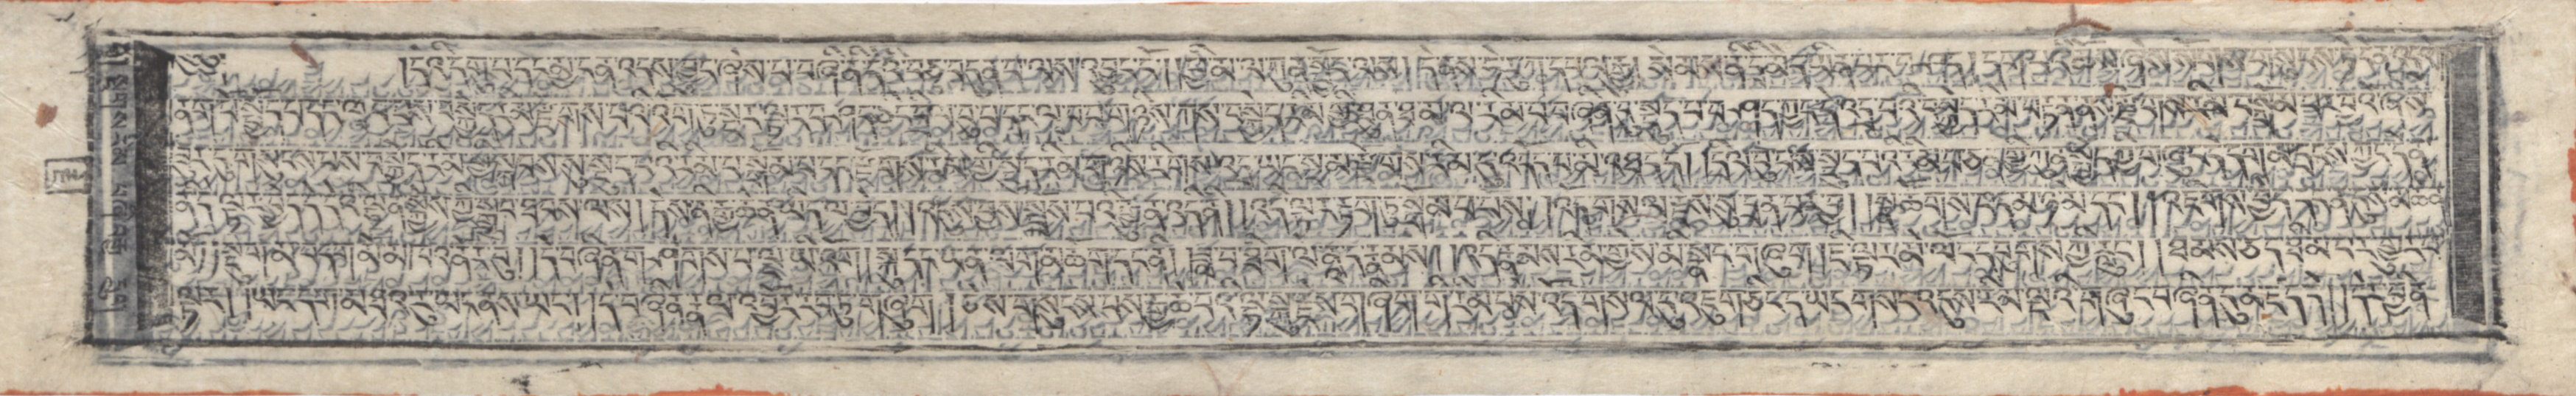༄༅། །དེའི་དགུ་པ་དང་མྱ་ངན་འདས་བྱུང་ཞེས་པ་བཞི་ནི་དེའི་བཅུ་བདུན་པ་ལས་འབྱུང་ངོ། །ཕྱི་མ་ལ་ཀུན་སྤྱོད་ལས། དེ་ནས་ཧེ་རུ་ཀ་དཔལ་རྒྱུ། སེམས་ནི་དྲི་མེད་ཡིན་པར་བཤད། དག་པའི་ཆོས་ཞེས་སོགས་གསུངས་ཏེ་དོན་འདྲའོ།
ནག་པོ་སྤྱོད་པ་དང་ལྭ་བ་པས་བསྐྱེད་རིམ་རྫོགས་པའི་འོག་ཏུ་སྔར་ལྟར་བཤད་ཅིང་དྲིལ་བུ་པ་དང་ལྭ་བ་པ་གཉིས་ཀས་བསྐྱེད་རིམ་གྱི་ཐུན་ཐ་མ་ལ་རིམ་པ་བཞིན་དུ་སྡུད་པ་བཤད་ཀྱང་དེ་འདྲ་བའི་བསྐྱེད་རིམ་བརྟན་ནས་རྫོགས་རིམ་བསྒོམ་པར་བྱའོ་ཞེས་
ཟུར་དུ་གསུངས་པས་བསྐྱེད་རིམ་གྱི་སྐབས་སུ་སྡུད་པའི་རིམ་པ་སྒོམ་པ་དང་རྫོགས་རིམ་གྱི་སྡུད་རིམ་གཉིས་རིགས་འདྲ་ཡང་སྔ་མ་རྫོགས་རིམ་དུ་འདོད་པ་མི་འཐད་དོ། །དྲིལ་བུ་པས་སྡུད་པའི་རིམ་པ་ཅན་གྱི་ཀུན་སྤྱོད་ཀྱི་གཞུང་དེ་དག་མ་དྲངས་ཀྱང་དོན་
ནི་དེ་ལྟར་བྱེད་དེ་དེའི་ལྷན་སྐྱེས་ཀྱི་སྒྲུབ་ཐབས་ལས། དེས་ནི་རྒྱ་ཆེན་ཡིད་ལ་བྱེད། །འདུས་བྱས་སྤྲོས་པའི་རྒྱུན་འདི་ནི། །འདི་ལྟར་རྟག་ཏུ་སྒོམ་པ་པོས། །འོད་གསལ་རྗེས་སུ་དྲན་པར་བྱ། །སྣ་ཚོགས་པད་མ་ཉི་མ་དང་། །འཇིགས་བྱེད་དང་ན་དུས་མཚན་
མོ། །སྡུག་མ་བདག་མོ་མཁའ་ནོར་བུ། །དེ་བཞིན་གཤེགས་པ་ལྔ་ཡི་འོག །སྐུ་དང་ཡན་ལག་མཆོག་དང་ནི། །ཟླ་བ་ཐིག་ལེ་ནཱ་ད་རྣམས། །འདི་རྣམས་རིམ་གྱིས་མི་སྣང་གཞུག །ཇི་ལྟར་མེ་ལོང་དབུགས་ཀྱི་རླུང་། །ཐམས་ཅད་ཐིམ་པར་གྱུར་པ་
ལྟར། །ཡང་དག་མཐའ་རུ་ཡང་ནས་ཡང་། །དེ་བཞིན་རྣལ་འབྱོར་རབ་ཏུ་གཞུག །ཅེས་གསུངས་པས་རྒྱ་ཆེ་བའི་ལྷ་སྐུ་རྗེས་གཞིག་གི་རིམ་པས་འོད་གསལ་དུ་འཇུག་ཅིང་དེ་ཡང་གསང་འདུས་རིམ་ལྔའི་གཞུང་བཞིན་དུ་མཛད་དོ། །དེར་བྱིན་